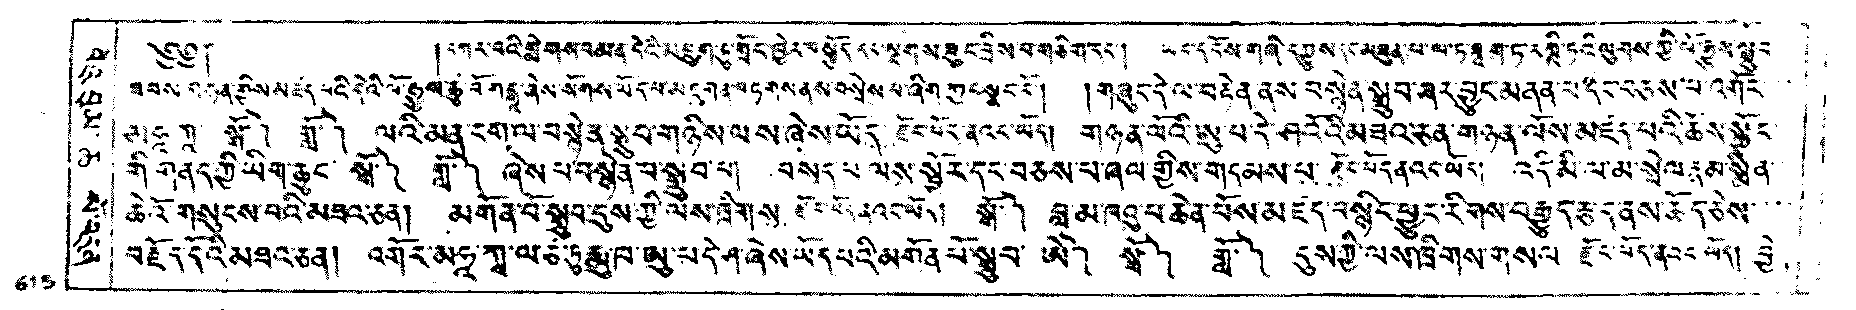༄༅། །དཀར་བའི་གླེགས་བམ་ན་དེའི་མཇུག་ཏུ་གྲོང་ཁྱེར་བསྐྱོད་དང་སྔགས་ཐུང་བྲིས་པ་གཅིག་དང་། ཡང་དངོས་གཞི་དཀྱུས་དང་མཐུན་པ་ལ་ཏ་ཐཱ་ག་ཏ་རཀྵི་ཏའི་ལུགས་ཀྱི་ལོ་རྒྱུས་སྒྲུབ་
ཐབས་གཉན་གྱིས་མཛད་པའི་དེའི་ལོ་རྒྱུས་ཆུ་བོ་གངྒཱ་ཞེས་སོགས་ཡོད་པ་མཇུག་ན་བཏགས་ནས་བསྲེས་པ་ཞིག་ཀྱང་སྣང་ངོ། །གཞུང་དེ་ལ་བརྟེན་ནས་བསྙེན་སྒྲུབ་ཞར་བྱུང་མནན་པ་དང་བཅས་པ་འགོར་
མཧཱ་ཀཱ་སྒ྄ོ་གླ྄ོ་ལའི་མན་ངག་ལ་བསྙེན་སྒྲུབ་གཉིས་ལས་ཞེས་ཡོད་རྫོང་པོད་ནའང་ཡོད།  གཉན་ལོའི་ཨུ་པ་དེ་ཤའོའི་མཐའ་ཅན་གཉན་ལོས་མཛད་པའི་ཆོས་སྐྱོང་
གི་གནད་ཀྱི་ཡིག་ཆུང་སྒ྄ོ་གླ྄ོ་ཞེས་པ་བསྙེན་པ་སྒྲུབ་པ། བསད་པ་ལས་སྦྱོར་དང་བཅས་པ་ཞལ་གྱིས་གདམས་པ་རྫོང་པོད་ནའང་ཡོད།  འདི་མི་ལ་མ་སྤེལ་རྣམ་སྨིན་
ཆེའོ་གསུངས་པའི་མཐའ་ཅན། མགོན་པོ་སྒྲུབ་དུས་ཀྱི་ལས་ཁྲིགས་རྫོང་པོད་ནའང་ཡོད།  སྒ྄ོ་བླ་མ་ཁའུ་པ་ཆེན་པོས་མཛད་པ་སྙིང་ཕྱུང་རིགས་བརྒྱུད་རྩད་ནས་ཆོད་ཅེས་
བརྗོད་དོའི་མཐའ་ཅན། འགོར་མཧཱ་ཀཱ་ལ་ཙ་ཏུ་རྨུ་ཁ་ཨུ་པ་དེ་ཤ་ཞེས་ཡོད་པའི་མགོན་པོ་སྒྲུབ་ཨ྄ེ་སྒ྄ོ་གླ྄ོ་དུས་ཀྱི་ལས་ཁྲིགས་གསལ་རྫོང་པོད་ནའང་ཡོད།  བྱེད་